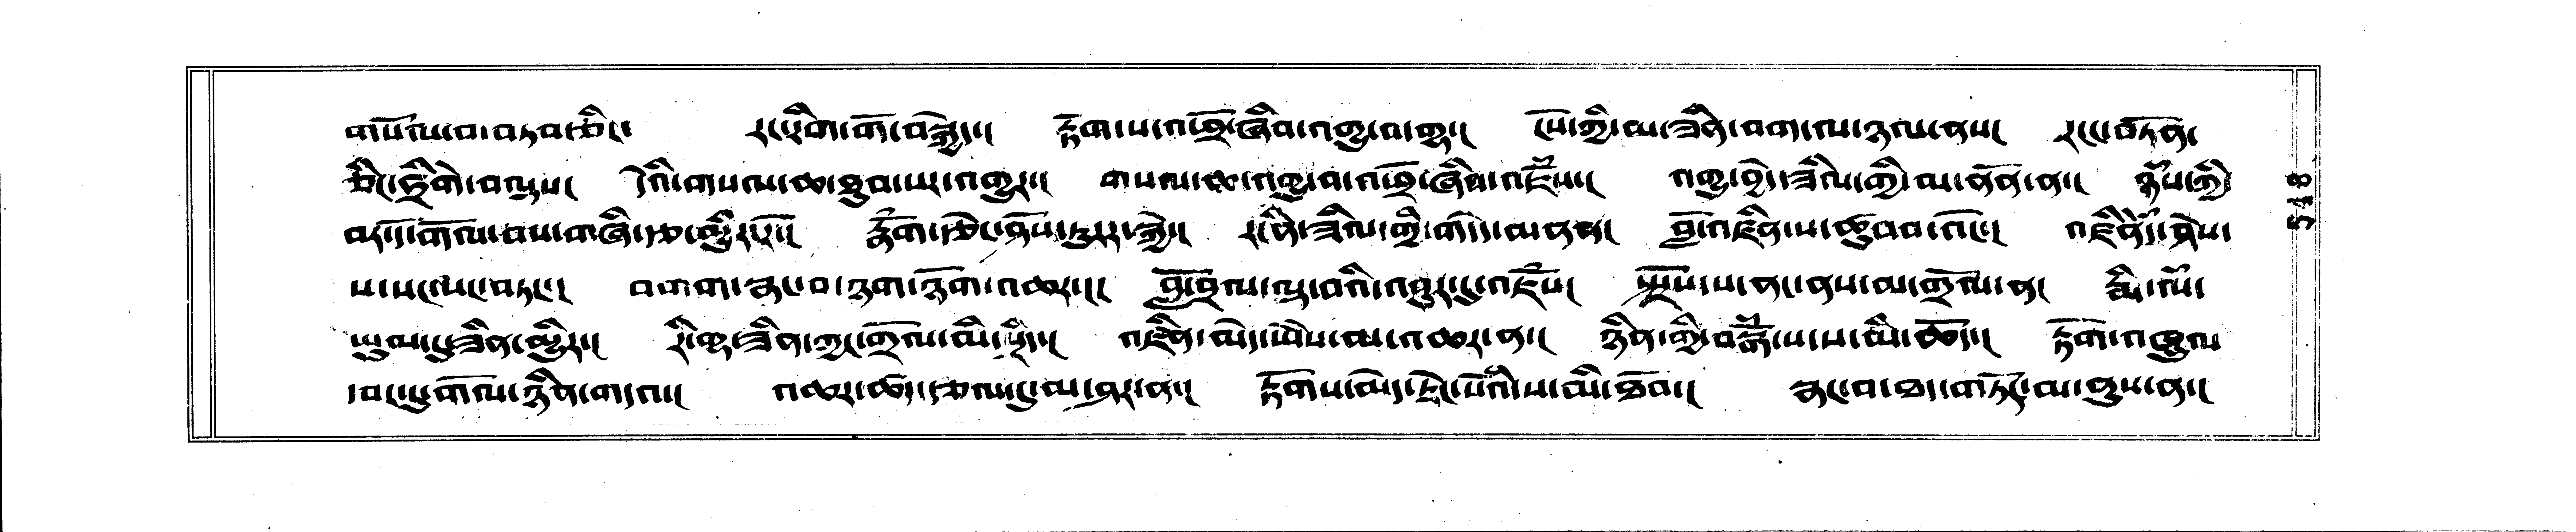་གསོལ་བ་བཏབ་ཅིང་ངང་ལ་སྒོམ། རྟོག་པ་འཕྲ་ཞིབ་འགྱུ་བ་གྷའ་(འགག)བྱུང་ན་ངོས་ཀྱི་མ་ཟིན་བག་ལ་ཉལ་ནས། རང་མདངས་བཏོན་
ཞིང་ཧྲིག་གེ་ལྟ། དེའི་གསལ་ཆ་ཐོན་པར་འགྱུར། གསལ་ཆ་འཇུ་བ་འཕྲ་ཞིབ་འཇོམས། འགྱུར་བྱེད་ཟིལ་གྱི་མ་ནོན་ན། ཉམས་ཀྱི་
བར་ཆོད་གོལ་བས་ན། གཞི་རྩ་ཆོད་པར་མི་གྱུར། རྣམ་རྟོག་རྩི་༼རྩིང༽ཤོས་ཏུད་ཏུད་སྐྱེས་ནས། རང་བཞིན་ཟིལ་གྱི་ཀད་ཀད་མནན་བློའི་འཛིན་པ་ཚུབ་ཚུབ་འོང་། འཛིན་མེད་ཤེས་
པ་སང་སང་བཏང་། བག་ཆགས་སྣང་བ་ཉག་ཉོག་འཆར། བློ་བྲལ་ལྟ་བས་འབུར་འཇོམས་བྱ། སྤྲོས་པ་ནང་ནས་མི་གྲོལ་ན། རྨི་ལམ་
ཡུལ་དུ་ཟིན་མི་གྱུར། རེས་གྷས་(འགས)ཟིན་ཀྱང་གྲོལ་མི་སྲིད། འཛིན་མེད་ཡེ་ཤེས་མ་འཆར་ན། ཉིན་ཀྱི་སྒོམ་པས་ས་མི་ཆོད། རྟོག་འཁྲུལ་
དབང་དུ་གོལ་ཉན་གདའ། འཆར་ཚད་རྩལ་དུ་མ་ཤར་ན། རྟོག་མེད་ལྡིང་པོས་ས་མི་ཐོབས། སྣང་བ་ཐམས་ཅད་གཏོར་མ་ནུས་ན།